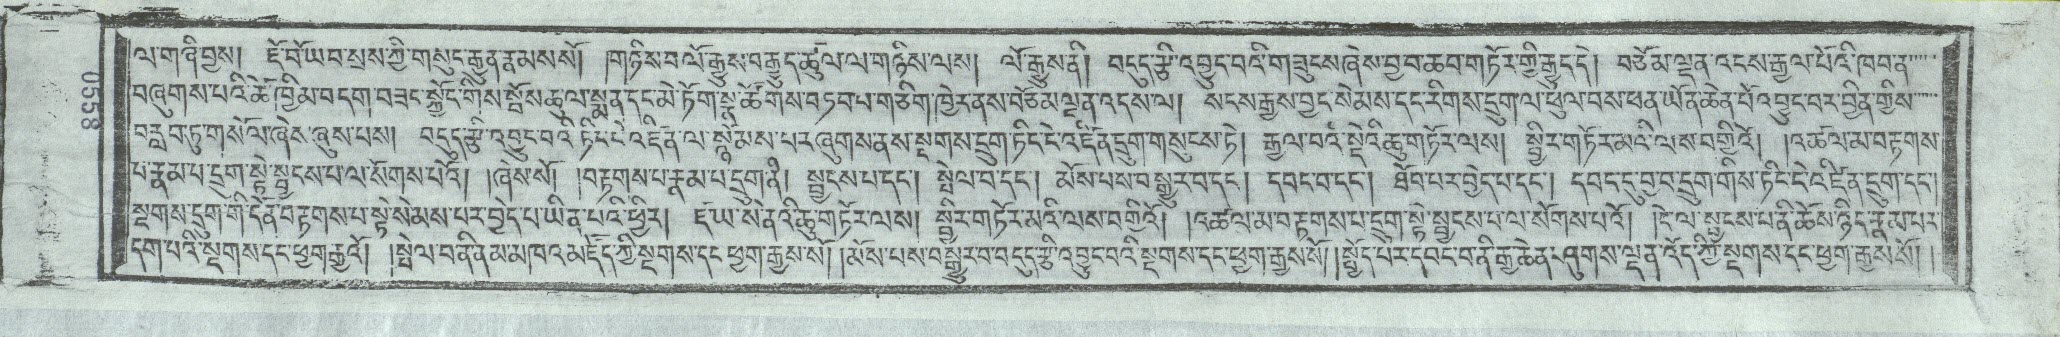ལ་གཞི་བྱས། ཇོ་བོ་ཡབ་སྲས་ཀྱི་གསུང་རྒྱུན་རྣམས་སོ། །གཉིས་བ་ལོ་རྒྱུས་བརྒྱུད་ཚུལ་ལ་གཉིས་ལས། ལོ་རྒྱུས་ནི། བདུད་རྩི་འབྱུང་བའི་གཟུངས་ཞེས་བྱ་བ་ཆབ་གཏོར་གྱི་རྒྱུད་དེ། བཅོམ་ལྡན་འདས་རྒྱལ་པོའི་ཁབ་ན་
བཞུགས་པའི་ཚེ་ཁྱིམ་བདག་བཟང་སྐྱོང་གིས་སྦོས་ཆུ་ལ་སྨན་དང་མེ་ཏོག་སྣ་ཚོགས་བཏབ་པ་གཅིག་ཁྱེར་ནས་བཅོམ་ལྡན་འདས་ལ། སངས་རྒྱས་བྱང་སེམས་དང་རིགས་དྲུག་ལ་ཕུལ་བས་ཕན་ཡོན་ཆེན་པོ་འབྱུང་བར་བྱིན་གྱིས་
བརླབ་ཏུ་གསོལ་ཞེས་ཞུས་པས། བདུད་རྩིའི་འབྱུང་བའི་ཏིང་ངེ་འཛིན་ལ་སྙོམས་པར་ཞུགས་ནས་སྔགས་དྲུག་ཏིང་ངེ་འཛིན་དྲུག་གསུངས་ཏེ། རྒྱལ་བའི་སྡེའི་ཆུ་གཏོར་ལས། སྦྱིར་གཏོར་མའི་ལས་བགྱིའོ། །འཚལ་མ་བརྟགས་
པ་རྣམ་པ་དྲུག་སྟེ་སྦྱངས་པ་ལ་སོགས་པའོ། །ཞེས་སོ། །བརྟགས་པ་རྣམ་པ་དྲུག་ནི། སྦྱངས་པ་དང་། སྤེལ་བ་དང་། མོས་པས་བསྒྱུར་བ་དང་། དབང་བ་དང་། ཐོབ་པར་བྱེད་པ་དང་། དབང་དུ་བྱ་བ་དྲུག་གིས་ཏིང་ངེ་འཛིན་དྲུག་དང་།
སྔགས་དྲུག་གི་དོན་བརྟགས་པ་སྟེ་སེམས་པར་བྱེད་པ་ཡིན་པའི་ཕྱིར། ཛ་ཡ་སེ་ནའི་ཆུ་གཏོར་ལས། སྦྱིར་གཏོར་མའི་ལས་བགྱིའོ། །འཚལ་མ་བརྟགས་པ་དྲུག་སྟེ་སྦྱངས་པ་ལ་སོགས་པའོ། །དེ་ལ་སྦྱངས་པ་ནི་ཆོས་ཉིད་རྣམ་པར་
དག་པའི་སྔགས་དད་ཕྱག་རྒྱའོ། །སྤེལ་བ་ནི་ནམ་མཁའ་མཛོད་ཀྱི་སྔགས་དང་ཕྱག་རྒྱས་སོ། །མོས་པས་བསྒྱུར་བ་བདུད་རྩི་འབྱུང་བའི་སྔགས་དང་ཕྱག་རྒྱས་སོ། །སྤྱོད་པར་དབང་བ་ནི་རྒྱ་ཆེན་ཤུགས་ལྡན་འོད་ཀྱི་སྔགས་དང་ཕྱག་རྒྱས་སོ། །